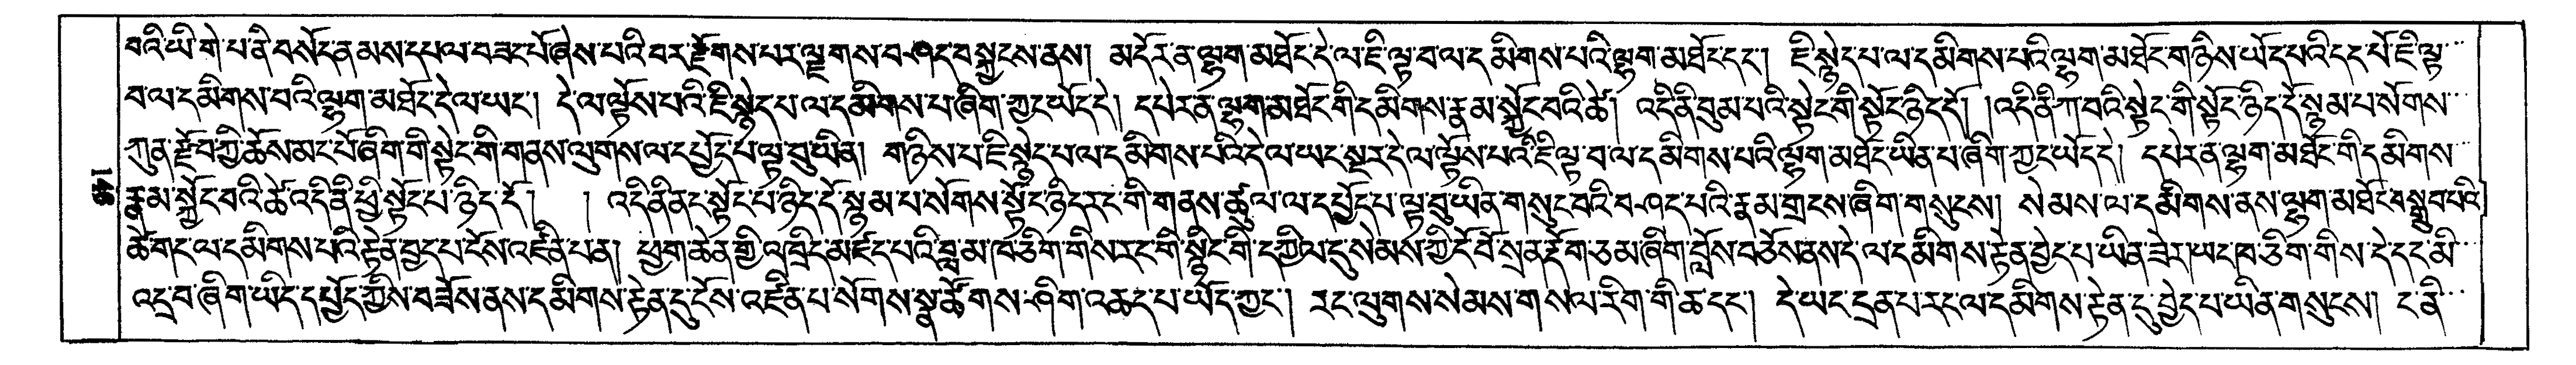བའི་ཡི་གེ་པ་ནི་བསོད་ནམས་དཔལ་བཟང་པོ་ཞེས་པའི་བར་རྫོགས་པར་ལྗགས་བཤད་བསྐྱངས་ནས། མདོར་ན་ལྷག་མ་ཐོང་དེ་ལ་ཇི་ལྟ་བ་ལ་དམིགས་པའི་ལྷག་མཐོང་དང་། ཇི་སྙེད་པ་ལ་དམིགས་པའི་ལྷག་མཐོང་གཉིས་ཡོད་པའི་དང་པོ་ཇི་ལྟ་
བ་ལ་དམིགས་པ་ལྷག་མཐོང་དེ་ལ་ཡང་། དེ་ལ་ལྟོས་པའི་ཇི་སྙེད་པ་ལ་དམིགས་པ་ཞིག་ཀྱང་ཡོད་དེ། དཔེར་ན་ལྷག་མཐོང་གི་དམིགས་རྣམ་སྐྱོང་བའི་ཚེ། འདི་ནི་བུམ་པའི་སྟེང་གི་སྟོང་ཉིད་དོ། །འདི་ནི་ཀ་བའི་སྟེང་གི་སྟོང་ཉིད་དོ་སྙམ་པ་སོགས་
ཀུན་རྫོབ་ཀྱི་ཆོས་མང་པོ་ཞིག་གི་སྟེང་གི་གནས་ལུགས་ལ་དཔྱོད་པ་ལྟ་བུ་ཡིན། གཉིས་པ་ཇི་སྙེད་པ་ལ་དམིགས་པའི་དེ་ལ་ཡང་སྔར་དེ་ལ་ལྟོས་པའི་ཇི་ལྟ་བ་ལ་དམིགས་པའི་ལྷག་མཐོང་ཡིན་པ་ཞིག་ཀྱང་ཡོད་དེ། དཔེར་ན་ལྷག་མཐོང་གི་དམིགས་
རྣམ་སྐྱོང་བའི་ཚེ་འདི་ནི་ཕྱི་སྟོང་པ་ཉིད་དོ། །འདི་ནི་ནང་སྟོང་པ་ཉིད་དོ་སྙམ་པ་སོགས་སྟོང་ཉིད་རང་གི་གནས་ཚུལ་ལ་དཔྱོད་པ་ལྟ་བུ་ཡིན་གསུང་བའི་བཤད་པའི་རྣམ་གྲངས་ཞིག་གསུངས། སེམས་ལ་དམིགས་ནས་ལྷག་མཐོང་བསྒྲུབ་པའི་
ཚེ་གང་ལ་དམིགས་པའི་རྟེན་བྱེད་པ་ངོས་འཛིན་པ་ན། ཕྱག་ཆེན་གྱི་འཁྲིད་མཛད་པའི་བླ་མ་ཁ་ཅིག་གིས་རང་གི་སྙིང་གི་དཀྱིལ་དུ་སེམས་ཀྱི་ངོ་བོ་སྲན་རྡོ་གཙམ་ཞིག་བློས་བཅོས་ནས་དེ་ལ་དམིགས་རྟེན་བྱེད་པ་ཡིན་ཟེར། ཡང་ཁ་ཅིག་གིས་དེ་དང་མི་
འདྲ་བ་ཞིག་ཡིད་དཔྱོད་ཀྱིས་བཟོས་ནས་དམིགས་རྟེན་དུ་ངོས་འཛིན་པ་སོགས་སྣ་ཚོགས་ཤིག་འཆད་པ་ཡོད་ཀྱང་། རང་ལུགས་སེམས་གསལ་རིག་གི་ཆ་དང་། དེ་ཡང་དྲན་པ་རང་ལ་དམིགས་རྟེན་དུ་བྱེད་པ་ཡིན་གསུངས། ང་ནི་